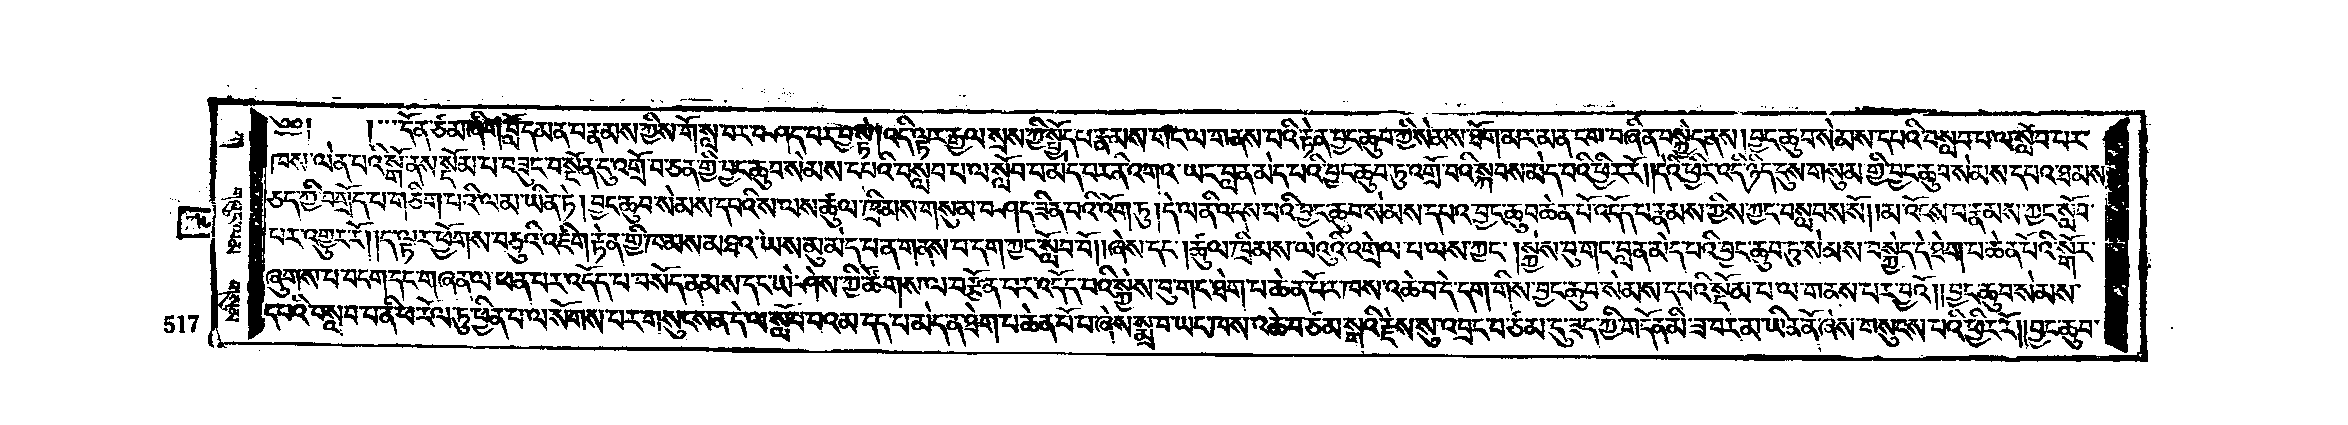༄༅། །དོན་ཙམ་ཞིག་བློ་དམན་པ་རྣམས་ཀྱིས་གོ་སླ་བར་བཤད་པར་བྱ་སྟེ། འདི་ལྟར་རྒྱལ་སྲས་ཀྱི་སྤྱོད་པ་རྣམས་གང་ལ་གནས་པའི་རྟེན་བྱང་ཆུབ་ཀྱི་སེམས་ཐོག་མར་མན་ངག་བཞིན་བསྐྱེད་ནས། བྱང་ཆུབ་སེམས་དཔའི་བསླབ་པ་ལ་སློབ་པར་
ཁས་ལེན་པའི་སྒོ་ནས་སྡོམ་པ་བཟུང་བ་སྔོན་དུ་འགྲོ་བ་ཅན་གྱི་བྱང་ཆུབ་སེམས་དཔའི་བསླབ་པ་ལ་སློབ་པ་མེད་པར་ནི་འགའ་ཡང་བླ་ན་མེད་པའི་བྱང་ཆུབ་ཏུ་འགྲོ་བའི་སྐབས་མེད་པའི་ཕྱིར་རོ། །དེའི་ཕྱིར་འདི་ཉིད་དུས་གསུམ་གྱི་བྱང་ཆུབ་སེམས་དཔའ་ཐམས་
ཅད་ཀྱི་བགྲོད་པ་གཅིག་པའི་ལམ་ཡིན་ཏེ། བྱང་ཆུབ་སེམས་དཔའི་ས་ལས་ཚུལ་ཁྲིམས་གསུམ་བཤད་ཟིན་པའི་འོག་ཏུ། དེ་ལ་ནི་འདས་པའི་བྱང་ཆུབ་སེམས་དཔའ་བྱང་ཆུབ་ཆེན་པོ་འདོད་པ་རྣམས་ཀྱིས་ཀྱང་བསླབས་སོ། །མ་འོངས་པ་རྣམས་ཀྱང་སློབ་
པར་འགྱུར་རོ། །ད་ལྟར་ཕྱོགས་བཅུའི་འཇིག་རྟེན་གྱི་ཁམས་མཐའ་ཡས་མུ་མེད་པ་ན་གནས་པ་དག་ཀྱང་སློབ་བོ། །ཞེས་དང་། ཚུལ་ཁྲིམས་ལེའུའི་འགྲེལ་པ་ལས་ཀྱང་། སྐྱེས་བུ་གང་བླ་ན་མེད་པའི་བྱང་ཆུབ་ཏུ་སེམས་བསྐྱེད་དེ་ཐེག་པ་ཆེན་པོའི་སྒོར་
ཞུགས་པ་བདག་དང་གཞན་ལ་ཕན་པར་འདོད་པ་བསོད་ནམས་དང་ཡེ་ཤེས་ཀྱི་ཚོགས་ལ་བརྩོན་པར་འདོད་པའི་སྐྱེས་བུ་གང་ཐེག་པ་ཆེན་པོར་ཁས་འཆེ་བ་དེ་དག་གིས་བྱང་ཆུབ་སེམས་དཔའི་སྡོམ་པ་ལ་གནས་པར་བྱའོ། །བྱང་ཆུབ་སེམས་
དཔའི་བསླབ་པ་ནི་ཕ་རོལ་ཏུ་ཕྱིན་པ་ལ་སོགས་པར་གསུངས་ན་དེ་ལ་སློབ་པའམ་དད་པ་མེད་ན་ཐེག་པ་ཆེན་པོ་པ་ཞེས་སྨྲ་བ་ཡང་ཁས་འཆེ་བ་ཙམ་སྒའི་རྗེས་སུ་འབྲང་བ་ཙམ་དུ་ཟད་ཀྱི་གདོན་མི་ཟ་བར་མ་ཡིན་ནོ་ཞེས་གསུངས་པའི་ཕྱིར་རོ། །བྱང་ཆུབ་